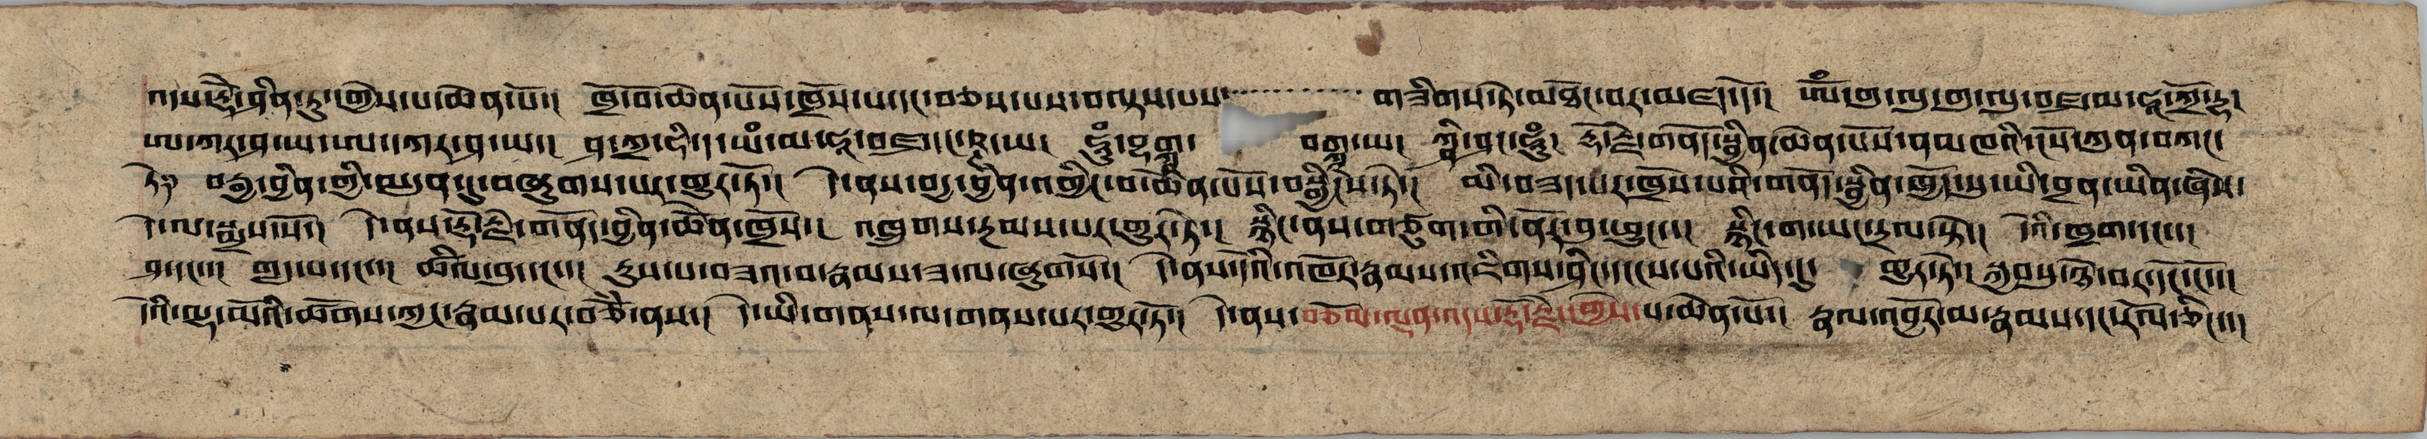འདས་རྡོེ་ཤིན་ཏུ་དགྱེས་པ་ཆེན་པོ་། ཁྲོ་བོ་ཆེན་པོས་ཁྲོས་པ་དང་བཅས་པས་བལྟས་པས་ གཟིགས་ཏེ་མཐོང་བར་མཛད་དོ་། ཨོཾ་གུ་ལུ་གུ་ལུ་བཛྲ་མ་ཧཱ་ཀྲོ་དྷ་
ཨ་ཀར་ཤ་ཡ་ཨ་དཀར་ཤ་ཡ་། ཤ་ཀྲ་ཧི་ད་ཡཾ་མ་ཧཱ་བཛྲ་དང་ཥྚ་ཡ། ཧཱུཾ་བྷགྩ་ བགྩཡ། ཀྴི་ཤང་ཧཱུཾ། རྡོ་རྗེ་གནོད་སྦྱིན་ཆེན་པོས་ནམཁའི་ངོས་ཀུན་བཀང་
ཏེ༑ བརྒྱ་བྱིན་གྱི་མདུན་དུ་བཞུགས་པར་གྱུར་ཏོ་། དེ་ནས་བདྱ་བྱིན་འགྱིང་བ་ཆེན་པོས་བསྒྱིངས་ཏེ་། མི་བཟད་པར་ཁྲོས་པའི་གནོད་སྦྱིན་ཁྱོད་སུ་ཡི་བྲན་ཡིན་ཞེས་
དེ་ལ་སྨྲས་སོ་། དེ་ནས་རྡོ་རྗེ་གནོད་བྱིན་ཆེནོ་ཁྲོས་། འཁྲུགས་རྔམས་པར་གྱུར་ཏེ་། སྙིང་ནས་གཙུག་གི་ནོར་བུ་ཕྱུང་་། སྙིང་ག་ཡང་དྲལ་སྟེ་། དེའི་ཁྲག་དང་་།
ཤ་དང་་། གླད་པ་དང་་། ཚིལ་བུ་དང་། རུས་པ་བཟའ་བ་རྣམས་ཟ་ལ་ཞུགསོ་། དེ་ནས་དེའི་འཁོར་རྣམས་འཇིགས་ཤིང་དངངས་པའི་ཡིད་དུ་ གྱུར་ཏེ་། སྐྱབསུ་ཉེ་བར་དོང་ངོ་་།
དེའི་ལྷ་མོའི་ཚོགས་ཀྱང་རྣམ་པར་བཅོཾ་ནས་། དེ་ཡི་གནས་ལ་གནས་པར་གྱུར་ཏོ་། དེ་ནས་བཅོམ་ལྡན་འདས་རྡོ་རྗེ་དགྱེས་པ་ཆེན་པོ་། རྣལ་འབྱོར་མ་རྣམས་དང་རོལ་ཅིང་་།